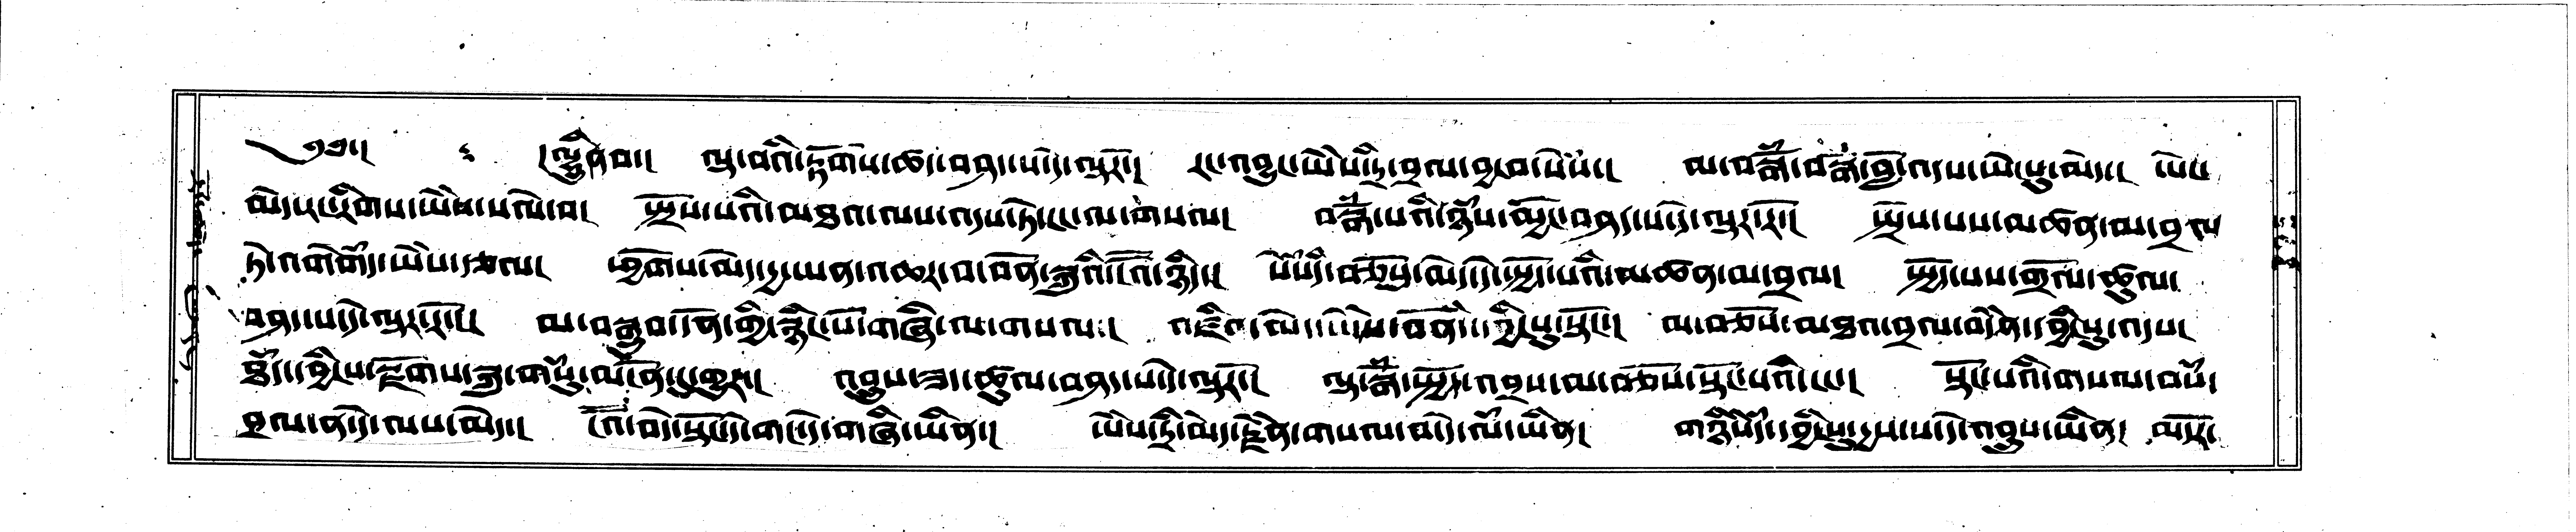ལྷུན་གྱིས་གྲུབ། ལྟ་བའི་རྟགས་ཚད་བཤད་པ་དེ་ལྟར་རོ། རང་འབྱུང་ཡེ་ཤེས་དྲི་བྲལ་བྱང་ཆུབ་སེམས། མ་བསྒོམ་བསྒོམ་མེད་བློ་འདས་ཡེངས་སུ་མེད། ཡེངས་
མེད་རང་རིག་ཡེ་ཤེས་སལེ་བ། སྤྲོས་པའི་མཐའ་ལས་འདས་ཏེ་ངང་གིས་གསལ། སྒོམས་པའི་ཉམས་མྱོངས་བཤད་པ་དེ་ལྟར་རོ། སྤྲོས་པའི་མཚན་མ་བྲལ་
ཏེ་གྷག་(འགག)མེད་ཡེ་ཤེས་རྩལ། ཕྱོགས་མེད་རྒྱ་ཡན་འཆར་ཏེ་བོན་སྐུའི་ངོའོ་ཉིད། སེམས་ཉིད་བཅོས་སུ་མེད་དེ་སྤྲོས་པའི་མཚན་མ་བྲལ། སྤྱོད་པའི་གྲོལ་ཚུལ་
བཤད་པ་དེ་ལྟར་རོ། མ་སྒྲུབ་དོན་གྱིས་སྙིང་པོ་གཞི་ལ་གསལ། འཛིན་མེད་ཡེ་ཤེས་བོན་ཉིད་དབྱིངས་སུ་སྟོང་། མ་བཅོས་མཐའ་བྲལ་བདེ་ཆེན་ཀློང་དུ་འདས།
 ཐམས་ཅད་དབྱིངས་རྫོགས་སྐུ་གསུམ་མངོན་དུ་གྱུར། འབྲས་བུའི་ཟད་ཚུལ་བཤད་པ་དེ་ལྟར་རོ། ལྟ་སྒོམ་སྤྱོད་འབྲས་མ་བཅོས་སྟོང་པའི་ངང་། སྟོང་པ་གསལ་བསམ་
བྲལ་ནས་དེ་ལས་མེད་དོ། ངོའོ་བདེ་སྟོང་ཀད་དེ་འདུག་པ་དེ་གཞི་ཡིན། ཡེ་ཤེས་དྲི་མེད་རྗེན་ནེ་གསལ་བ་དེ་ལམ་ཡིན། གཉིས་སུ་མེད་དེ་དབྱིངས་སུ་གསལ་བ་དེ་འབྲས་བུ་ཡིན་ནོ། མདོར་